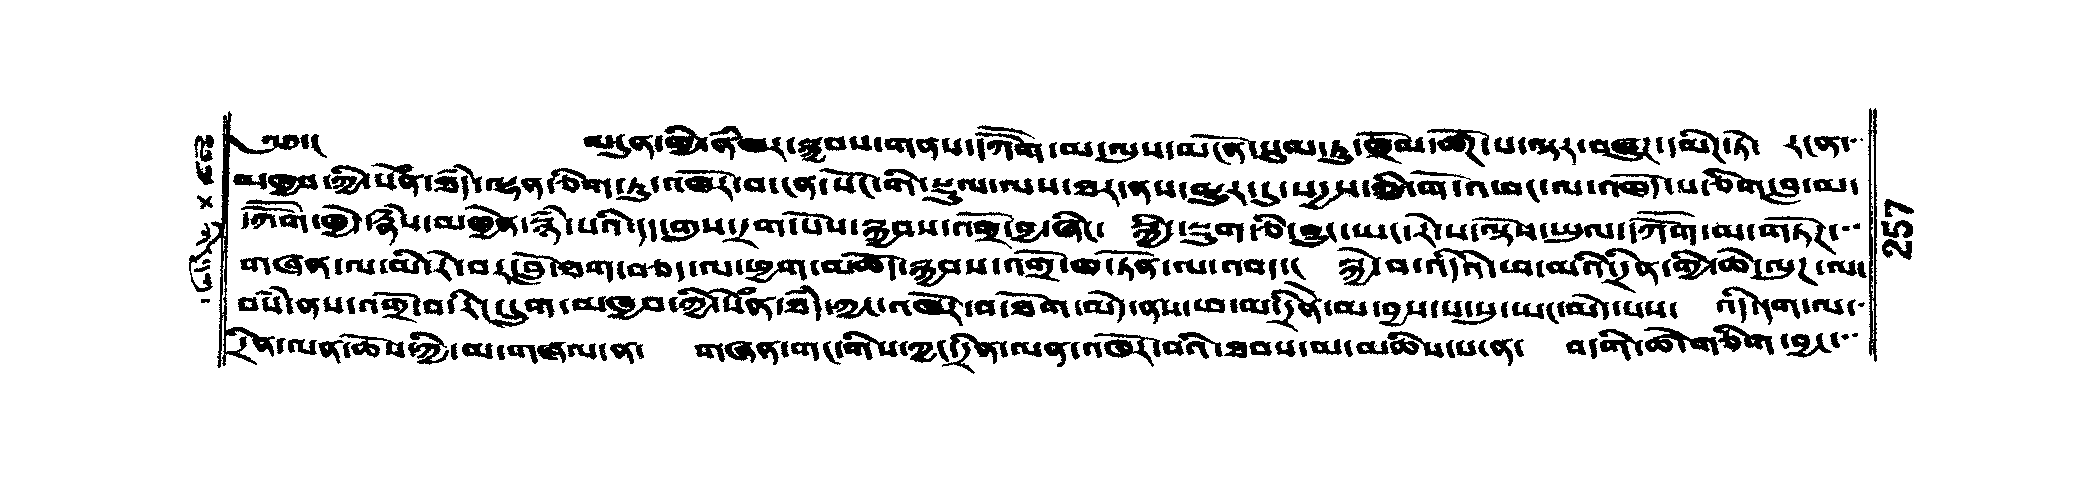མདུན་གྱི་ནམ་མཁའ་སྐྱབས་གནས་དཀོན་མཆོག་མ་ལུས་མངོན་སུམ་དུ་ཁྲོམ་ཚོགས་པ་ལྟར་བཞུགས་པར་དམིགས་ཏེ། རང་གཞན་
མཁའ་ཁྱབ་ཀྱི་སེམས་ཅན་ཐམས་ཅད་ལྷན་ཅིག་ཏུ་འཁོར་བ་ངན་སོང་གི་སྡུག་བསྔལ་ལས་ཐར་ནས་མྱུར་དུ་སངས་རྒྱས་ཀྱི་གོ་འཕང་ལ་འཁོད་པ་ཞིག་བླ་མ་
དཀོན་མཆོག་ཁྱེད་རྣམས་མཁྱེན་སྙམ་པའི་དད་གུས་དྲག་པོས་སྐྱབས་འགྲོ་བྱ་ཞིང་། སྐྱིད་སྡུག་ཅི་བྱུང་ཡང་རེ་ས་ལྟོས་ཡུལ་དཀོན་མཆོག་མ་གཏོགས་
གཞན་ལ་མི་རེ་བར་བློ་ཐག་བཅད་ལ་ཕྱག་མཆོད་སྐྱབས་འགྲོ་ཁ་ཏོན་ལ་འབད། སྐྱེ་བ་འདིའི་ཕ་མའི་དྲིན་གྱི་ཆེ་ལུགས་ལ་
བསམ་ནས་འགྲོ་བ་རིགས་དྲུག་མཁའ་ཁྱབ་ཀྱི་སེམས་ཅན་ཐམས་ཅད་ཀྱང་འཁོར་བ་ཐོག་མེད་ནས་ཕ་མ་དྲིན་ཆེན་མ་བྱས་པ་སུ་ཡང་མེད་པས། འདི་དག་ལ་
དྲིན་ལན་ཆོས་ཀྱིས་མ་གཞལ་ན། གཞན་གང་གིས་ཀྱང་དྲིན་ལན་འཁོར་བའི་ཐབས་མ་མཆིས་པ་ན། བདག་གི་ཚེ་གཅིག་བྱང་